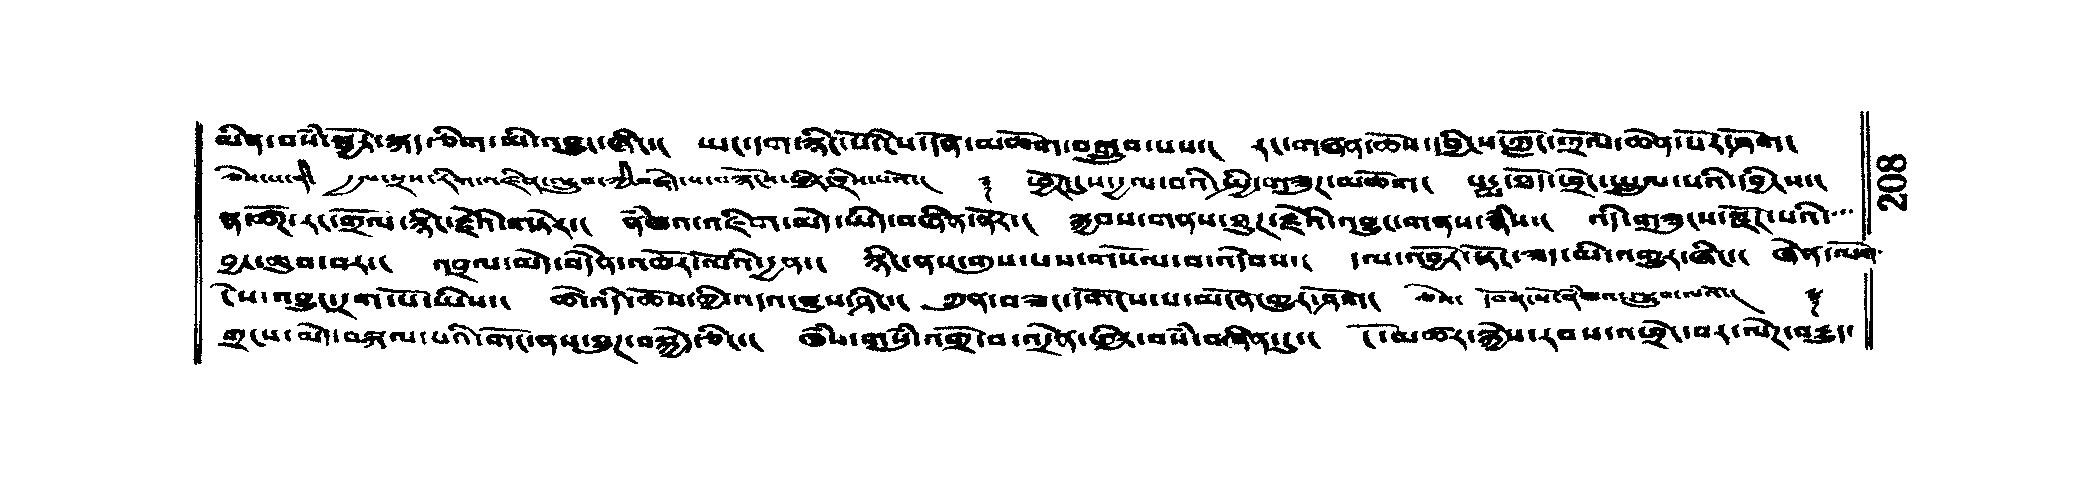མིན་བསམ་སྦྱོར་སྐད་ཅིག་མི་འབྱུང་ཞིང་། །ཡང་དག་སྙིང་པོ་ངེས་དོན་མཆོག་བསྒྲུབ་པས། །རང་གཞན་ཆོས་དབྱིངས་ཀློང་གྲོལ་ཆེན་པོར་ཤོག
་ཅེས་པ་ནི་རྒྱལ་སྲས་རིག་འཛིན་ལྷུན་གྲུབ་ཀྱི་བཞེད་པ་བསྐོང་ཕྱིར་བྲིས་པའོ།། ༈ ཕྱོགས་དུས་རྒྱལ་བའི་སྤྱི་གཟུགས་མཆོག །པདྨ་ཐོད་ཕྲེང་སྤྲུལ་པའི་དབྱིངས། །
སྣ་ཚོགས་རང་གྲོལ་སྙིང་རྗེའི་གཏེར། །ནམ་མཁའ་འཇིགས་མེད་ཡིད་བཞིན་ནོར། །སྐྱབས་གནས་ཐུགས་རྗེའི་འབྱུང་གནས་རྣམས། །འདི་བཟུང་རྫོགས་པའི་
བྱང་ཆུབ་བར། །འབྲལ་མེད་བདེ་ཆེན་འཁོར་ལོའི་རྒྱན། །སྙིང་ནས་གུས་པས་གསོལ་བ་འདེབས། །དལ་འབྱོར་སྟོང་ཟད་མི་འགྱུར་ཞིང་། །ཞེན་ལོག་
ངེས་འབྱུང་དྲག་པོ་ཡིས། །ཚེ་འདི་ཆོས་ཀྱི་འདའ་ནུས་ཤིང་། །ཀུན་བཟང་དགོངས་པ་མངོན་གྱུར་ཤོག ཅེས་དབོན་པོ་ནམ་མཁའ་ལྷུན་གྲུབ་ལའོ།། ༈ 
གྲངས་མེད་བསྐལ་པའི་གོང་ནས་ཐུགས་བསྐྱེད་ཅིང་། །ཁམས་གསུམ་འགྲོ་བ་འདྲེན་ཕྱིར་བསམ་བཞིན་དུ། །ངོ་མཚར་སྐྱེས་རབས་འཕྲེང་བར་ལེགས་བརྒྱུད་